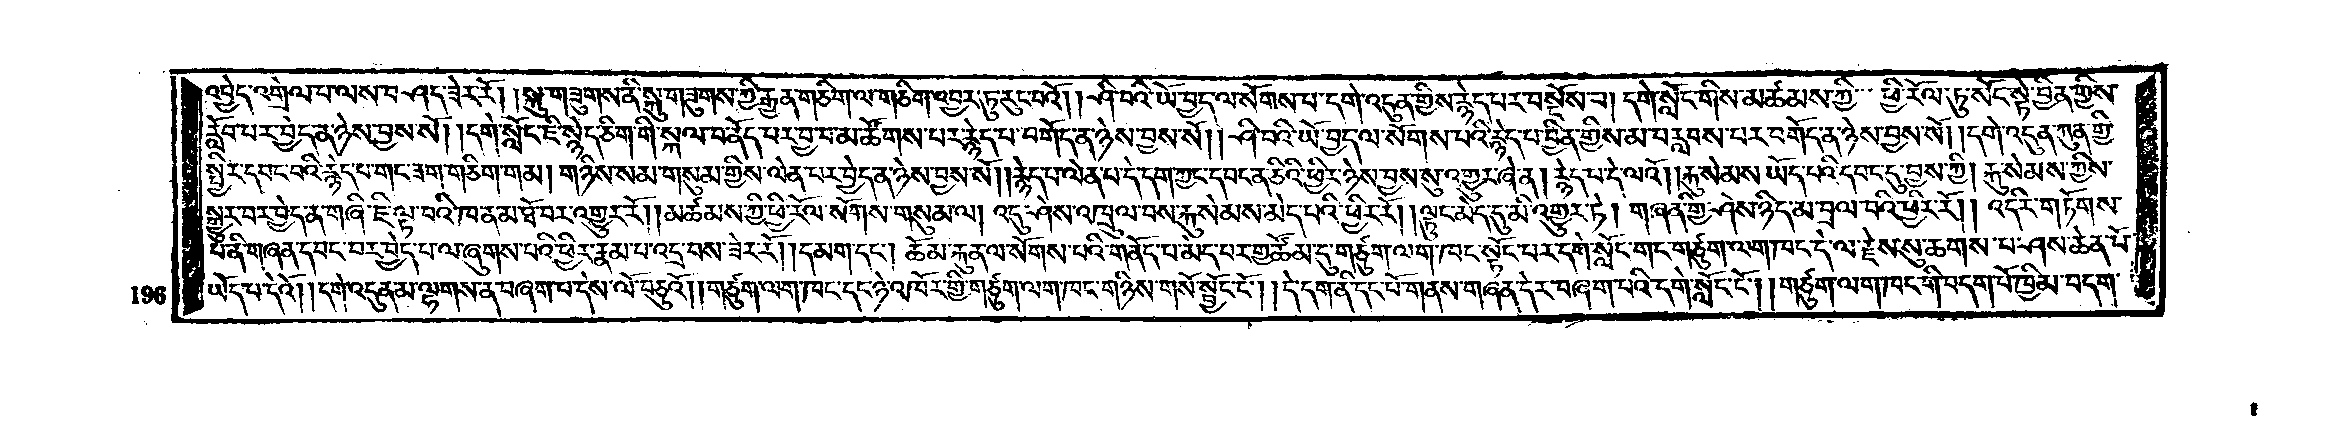འབྱེད་འགྲེལ་པ་ལས་བཤད་ཟེར་རོ། །སྐུ་གཟུགས་ནི་སྐུ་གཟུགས་ཀྱི་རྒྱན་གཅིག་ལ་གཅིག་འབྱར་ཏུ་རུང་བའོ། །ཤི་བའི་ཡོ་བྱད་ལ་སོགས་པ་དགེ་འདུན་གྱིས་རྙེད་པར་བསྔོས་པ། དགེ་སློང་གིས་མཚམས་ཀྱི་ཕྱི་རོལ་ཏུ་སོང་སྟེ་བྱིན་གྱིས་
རློབ་པར་བྱེད་ན་ཉེས་བྱས་སོ། །དགེ་སློང་ཇི་སྙེད་ཅིག་གི་སྐལ་བ་ནོད་པར་བྱ་བ་མ་ཚོགས་པར་རྙེད་པ་བགོད་ན་ཉེས་བྱས་སོ། །ཤི་བའི་ཡོ་བྱད་ལ་སོགས་པའི་རྙེད་པ་བྱིན་གྱིས་མ་བརླབས་པར་བགོད་ན་ཉེས་བྱས་སོ། །དགེ་འདུན་ཀུན་གྱི་
སྤྱིར་དབང་བའི་རྙེད་པ་གང་ཟག་གཅིག་གམ། གཉིས་སམ་གསུམ་གྱིས་ལེན་པར་བྱེད་ན་ཉེས་བྱས་སོ། །རྙེད་པ་ལེན་པ་དེ་དག་ཀྱང་དབང་ན་ཅིའི་ཕྱིར་ཉེས་བྱས་སུ་འགྱུར་ཞེ་ན། རྙེད་པ་དེ་ལའོ། །རྐུ་སེམས་ཡོད་པའི་དབང་དུ་བྱས་ཀྱི། རྐུ་སེམས་ཀྱིས་
སྒྱུར་བར་བྱེད་ན་གཞི་ཇི་ལྟ་བའི་ཁ་ན་མ་ཐོབ་བར་འགྱུར་རོ། །མཚམས་ཀྱི་ཕྱི་རོལ་སོགས་གསུམ་ལ། འདུ་ཤེས་འཁྲུལ་བས་རྐུ་སེམས་མེད་པའི་ཕྱིར་རོ། །ལྟུང་མེད་དུ་མི་འགྱུར་ཏེ། གཞན་གྱི་ཤས་ཉིད་མ་བྲལ་བའི་ཕྱིར་རོ། །འདིར་གཏོགས་
པ་ནི་གཞན་དབང་བར་བྱེད་པ་ལ་ཞུགས་པའི་ཕྱིར་རྣམ་པ་འདྲ་བས་ཟེར་རོ། །དམག་དང་། ཆོམ་རྐུན་ལ་སོགས་པའི་གནོད་པ་མེད་པར་གྱ་ཚོམ་དུ་གཙུག་ལག་ཁང་སྟོང་པར་དགེ་སློང་གང་གཙུག་ལག་ཁང་དེ་ལ་རྗེས་སུ་ཆགས་པ་ཤས་ཆེན་པོ་
ཡོད་པ་དེའོ། །དགེ་འདུན་མ་ལྷགས་ན་བཞག་པ་དེས་ལོ་བཅུའོ། །གཙུག་ལག་ཁང་དང་ཉེ་འཁོར་གྱི་གཙུག་ལག་ཁང་གཉིས་གསོ་སྦྱོང་ངོ། །དེ་དག་ནི་དང་པོ་གནས་གཞན་དེར་བཞག་པའི་དགེ་སློང་ངོ། །གཙུག་ལག་ཁང་གི་བདག་པོ་ཁྱིམ་བདག་